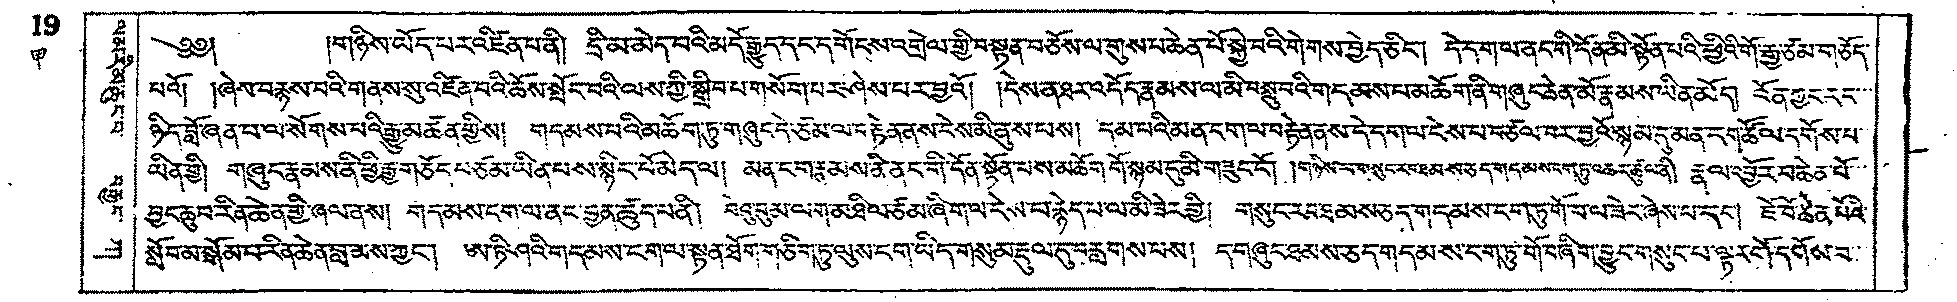༄༅། །གཉིས་ཡོད་པར་འཛིན་པ་ནི། དྲི་མ་མེད་པའི་མདོ་རྒྱུད་དང་དགོངས་འགྲེལ་གྱི་བསྟན་བཅོས་ལ་གུས་པ་ཆེན་པོ་སྐྱེ་བའི་གེགས་བྱེད་ཅིང་། དེ་དག་ལ་ནང་གི་དོན་མི་སྟོན་པའི་ཕྱིའི་གོ་རྒྱ་ཙམ་གཅོད་
པའོ། །ཞེས་བརྙས་པའི་གནས་སུ་འཛིན་པའི་ཆོས་སྤོང་བའི་ལས་ཀྱི་སྒྲིབ་པ་གསོག་པར་ཤེས་པར་བྱའོ། །དེས་ན་ཐར་འདོད་རྣམས་ལ་མི་བསླུ་བའི་གདམས་པ་མཆོག་ནི་གཞུང་ཆེན་མོ་རྣམས་ཡིན་མོད། འོན་ཀྱང་རང་
ཉིད་བློ་ཞན་པ་ལ་སོགས་པའི་རྒྱུ་མཚན་གྱིས། གདམས་པའི་མཆོག་ཏུ་གཞུང་དེ་ཙམ་ལ་བརྟེན་ནས་ངེས་མི་ནུས་པས། དམ་པའི་མན་ངག་ལ་བརྟེན་ནས་དེ་དག་ལ་ངེས་པ་བཙལ་བར་བྱའོ་སྙམ་དུ་མན་ངག་ཚོལ་དགོས་པ་
ཡིན་གྱི། གཞུང་རྣམས་ནི་ཕྱི་རྒྱ་གཅོད་པ་ཙམ་ཡིན་པས་སྙིང་པོ་མེད་ལ། མན་ངག་རྣམས་ནི་ནང་གི་དོན་སྟོན་པས་མཆོག་གོ་སྙམ་དུ་མི་གཟུང་ངོ། ། གཉིས་པ་གསུང་རབ་ཐམས་ཅད་གདམས་ངག་ཏུ་འཆར་ཚུལ་ནི། རྣལ་འབྱོར་བ་ཆེན་པོ་
བྱང་ཆུབ་རིན་ཆེན་གྱི་ཞལ་ནས། གདམས་ངག་ལ་ནང་བྱན་ཚུད་པ་ནི། བེའུ་བུམ་ལག་མཐིལ་ཙམ་ཞིག་ལ་ངེས་པ་རྙེད་པ་ལ་མི་ཟེར་གྱི། གསུང་རབ་ཐམས་ཅད་གདམས་ངག་ཏུ་གོ་བ་ལ་ཟེར་ཞེས་པ་དང་། ཇོ་བོ་ཆེན་པོའི་
སློབ་མ་སྒོམ་པ་རིན་ཆེན་བླ་མས་ཀྱང་། ཨ་ཏི་ཤའི་གདམས་ངག་ལ་སྟན་ཐོག་གཅིག་ཏུ་ལུས་ངག་ཡིད་གསུམ་རྡུལ་དུ་བརླགས་པས། ད་གཞུང་ཐམས་ཅད་གདམས་ངག་ཏུ་གོ་བ་ཞིག་བྱུང་གསུང་པ་ལྟར་གོ་དགོས་བ་